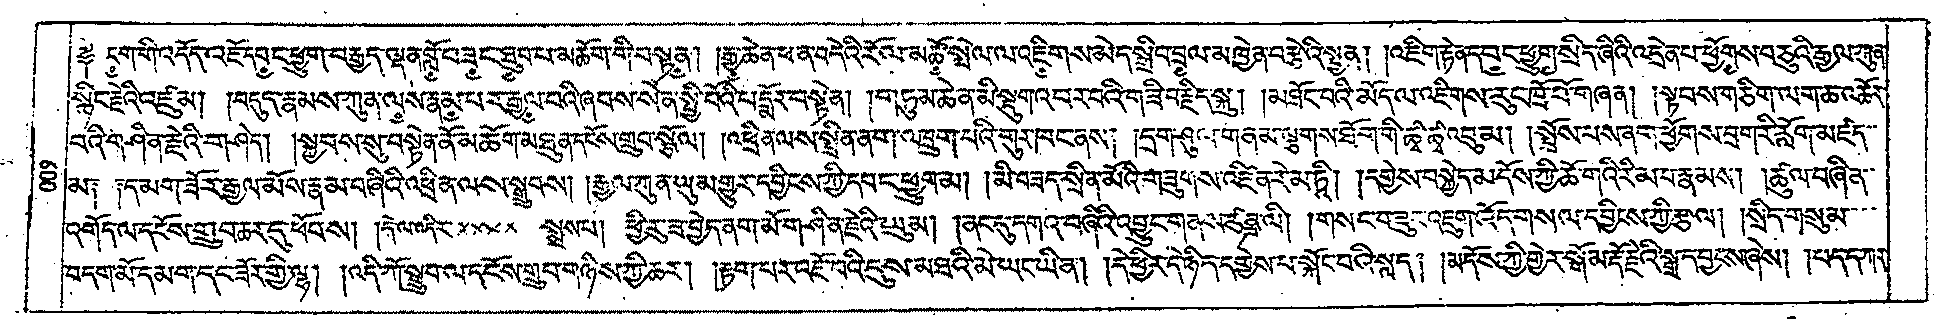༈ ངག྾་གི་འདོད་འཇོ་དབང྾་ཕྱུག་བརྒྱད་ལྡན་བློ྾་བཟང྾་ཐུབ྾་པ་མཆོག་གི་བསྟན྾། །རྒྱ྾་ཆེན་ཕན་བདེའི་རོལ་མཚོ྾་སྤེལ་ལ་འཇིགས྾་མེད་སྒྲིབ་བྲལ྾་མཁྱེན་བརྩེའི་སྤྱན། །འཇིག་རྟེན་དབང྾་ཕྱུག྾་སྲིད་ཞིའི་འདྲེན་པ་ཕྱོགས྾་བཅུའི་རྒྱལ་ཀུན་
སྙིང་རྗེའི་འཛུམ། །བདུད་རྣམས་ཀུན་ལས྾་རྣམ྾་པར་རྒྱལ྾་བའི་ཞབས་སེན་སྤྱི་བོའི་པདམོར་བསྟེན། །གཏུམ་ཆེན་མི་སྡུག་འབར་བའི་གཟི་བརྗིད་སྐུ། །མཐོང་བའི་མོད་ལ་འཇིགས་རུང་ཁྲོ་བོ་གཞན། །སྟབས་གཅིག་ལག་ཆ་འཆོར་
བའི་གཤིན་རྗེའི་གཤེད། །སྐྱབས་སུ་བསྟེན་ནོ་མཆོག་མཐུན་དངོས་གྲུབ་སྩོལ། །འཕྲིན་ལས་སྤྲིན་ནག་འཁྲུག་པའི་གུར་ཁང་ནས། །དྲག་ཤུལ་གནམ་ལྕགས་ཐོག་གི་ཚྭ་ཚྭ་འབུམ། །སྤྲོས་པས་ནག་ཕྱོགས་བྲག་རློག་མཛད་
མ། །དམག་ཟོར་རྒྱལ་མོས་རྣམ་བཞིའི་འཕྲིན་ལས་སྒྲུབས། །རྒྱལ་ཀུན་ཡུམ་གྱུར་དབྱིངས་ཀྱི་དབང་ཕྱུག་མ། །མི་བཟད་སྲིན་མོའི་གཟུགས་འཛིན་རེ་མ་ཏཱི། །དགྱེས་བསྐྱེད་མདོས་ཀྱི་ཆོ་གའི་རིམ་པ་རྣམས། །ཚུལ་བཞིན་
འགོད་ལ་དངོས་གྲུབ་ཆར་དུ་ཕོབས། ། དེ་ལ་འདིར་྾་྾་྾་སྒྲས་པ། ཕྱི་རུ་ཟ་བྱེད་ནག་མོ་གཤིན་རྗེའི་ཡུམ། །ནང་དུ་དགའ་བཞིའི་འབྱུང་གནས་ཙནྡ་ལི། །གསང་བ་ཟུང་འཇུག་འོད་གསལ་དབྱིངས་ཀྱི་རྩལ། །སྲིད་གསུམ་
བདག་མོ་དམག་དང་ཟོར་གྱི་ལྷ། །འདི་ཀོ་སྒྲུབ་ལ་དངོས་གྲུབ་གཉིས་ཀྱི་ཆར། །རྟག་པ་འཇོ་བའི་དུས་མཐའི་མེ་ཡང་ཡིན། །དེ་ཕྱིར་དེ་ཉིད་དགྱེས་པ་སྐོང་བའི་སླད། །མདོས་ཀྱི་གྱེར་སྒོམ་རྡོ་རྗེའི་སྒྲ་དབྱངས་ཞེས། །པད་དཀར་